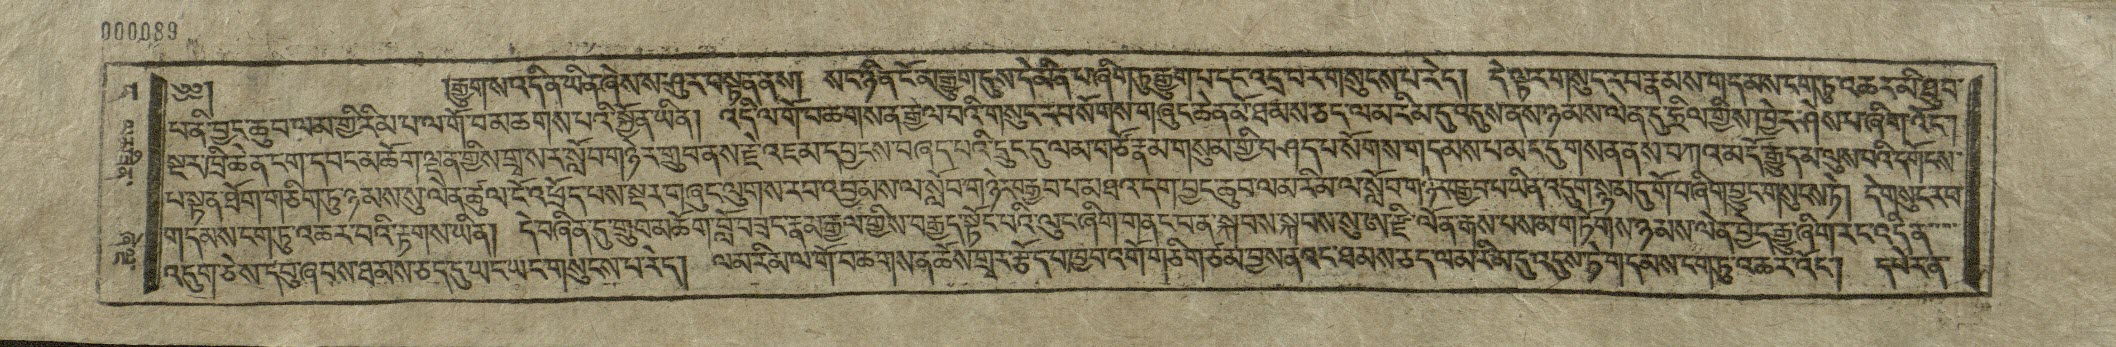༄༅། །རྒྱུག་ས་འདི་ན་ཡིན་ཞེས་ས་ཤུར་བསྟན་ནས། སང་ཉིན་ངོ་མ་རྒྱུག་དུས་དེ་མིན་པ་ཞིག་ཏུ་རྒྱུག་པ་དང་འདྲ་བར་གསུངས་པ་རེད། དེ་ལྟར་གསུང་རབ་རྣམས་གདམས་ངག་ཏུ་འཆར་མི་ཐུབ་
པ་ནི་བྱང་ཆུབ་ལམ་གྱི་རིམ་པ་ལ་གོ་བ་མ་ཆགས་པའི་སྐྱོན་ཡིན། འདི་ལ་གོ་བ་ཆགས་ན་རྒྱལ་བའི་གསུང་རབ་སོགས་གཞུང་ཆེན་མོ་ཐམས་ཅད་ལམ་རིམ་དུ་འདུས་ནས་ཉམས་ལེན་དུ་ཧྲིལ་གྱིས་ཁྱེར་ཤེས་པ་ཞིག་འོང་།
སྔར་ཁྲི་ཆེན་ངག་དབང་མཆོག་ལྡན་གྱིས་གྲྭ་སར་སློབ་གཉེར་གྲུབ་ནས་རྗེ་འཇམ་དབྱངས་བཞད་པའི་དྲུང་དུ་ལམ་གཙོ་རྣམ་གསུམ་གྱི་བཤད་པ་སོགས་གདམས་པ་མང་དུ་གསན་ནས་བཀའ་མདོ་རྒྱུད་མ་ལུས་པའི་དགོངས་
པ་སྟན་ཐོག་གཅིག་ཏུ་ཉམས་སུ་ལེན་ཚུལ་ངོ་འཕྲེད་པས་སྔར་གཞུང་ལུགས་རབ་འབྱམས་ལ་སློབ་གཉེར་བརྒྱབ་པ་མཐའ་དག་བྱང་ཆུབ་ལམ་རིམ་ལ་སློབ་གཉེར་བརྒྱབ་པ་ཡིན་འདུག་སྙམ་དུ་གོ་བ་ཞིག་བྱུང་གསུངས་ཏེ། དེ་གསུང་རབ་
གདམས་ངག་ཏུ་འཆར་བའི་རྟགས་ཡིན། དེ་བཞིན་དུ་གྲུབ་མཆོག་བློ་བཟང་རྣམ་རྒྱལ་གྱིས་བརྒྱད་སྟོང་པའི་ལུང་ཞིག་གནང་བ་ན་སྐབས་སྐབས་སུ་ཨ་རྫི་ལོ་ན་རྒས་པས་མ་གཏོགས་ཉམས་ལེན་བྱེད་རྒྱུ་ཞིག་རང་འདི་ན་
འདུག་ཅེས་དབུ་ཞབས་ཐམས་ཅད་དུ་ཡང་ཡང་གསུངས་པ་རེད། ལམ་རིམ་ལ་གོ་བ་ཆགས་ན་ཆོས་གྲྭར་རྩོད་པ་ཁྱབ་འགོ་གཅིག་ཙམ་བྱས་ནའང་ཐམས་ཅད་ལམ་རིམ་དུ་འདུས་ཏེ་གདམས་ངག་ཏུ་འཆར་འོང་། དཔེར་ན་